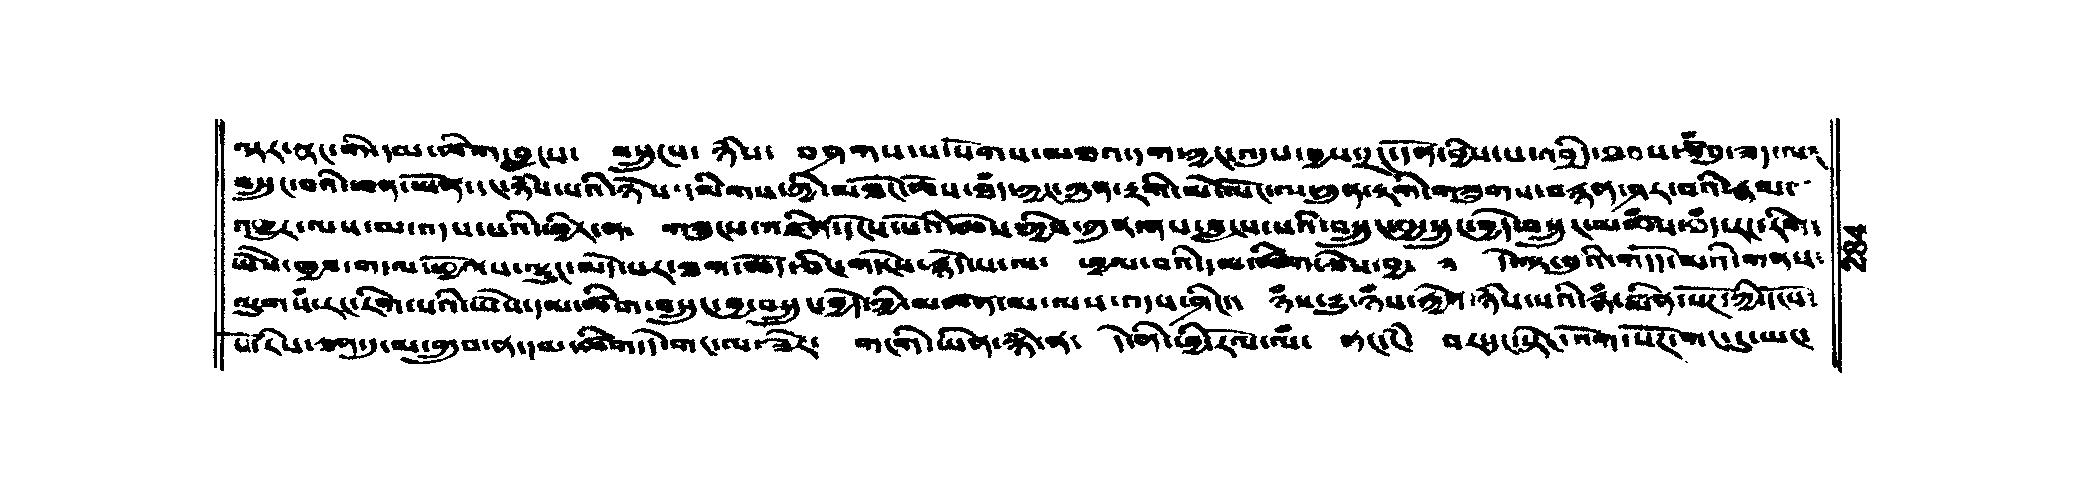ལྟརཔསྣངཔགིཔདམཔཚིགཔབླངས། བསྲུངས། ཉམས། བཤགསཔ་པསོགསཔམཐའཔདགཔཀྱངཔའདུསཔབྱསཔདྲངཔདོནཔབྱིསཔ་པའབྲིདཔཐབསཔཙམཔདུཔཟདཔལ། 
བསྲུངཔབའིཔཕནཔཡོནཔདངཔཉམསཔ་འིཔཉེསཔདམིགསཔཀྱིཔམཐོངཔཆོསཔཐམསཔཅདཔཀྱངཔཀུནཔབཏགསཔཀྱིཔམེཔལོངཔལཔཀུནཔབཏགསཔཀྱིཔགཟུགསཔབརྙནཔཤརཔབའིཔརྣམ་
གྱུརཔལསཔམཔའདསཔ་འིཔཕྱིརཔན། གཟུངཔའཛིནཔདངོསཔ་ོའིཔཆོསཔཉིདཔཀྱིཔཀུནཔནསཔབླངསཔ་འིཔབསྲུངཔབྱཔབསྲུངཔབྱེདཔབསྲུངཔམཚམསཔཐམསཔཅདཔརངཔརིག་
ཡེཔཤེསཔཁྱབཔགདལཔཕྱོགསཔལྷུངཔམེདཔ་རཔཐགཔཅོདཔཅིངཔགདེངསཔརྙེདཔ་པལཔཕྱལཔབའིཔདམཔཚིགཔཅེསཔབྱ། དེཔལྟཔབུའིཔགདོདཔམའིཔགནས་
ལུགསཔརངཔརིགཔ་འིཔཡེཤེསཔདམཔཚིགཔབསྲུངཔབྱཔབསྲུངཔབྱེདཔཀྱིཔམཚནཔམཔལསཔའདསཔཤིངཔ། ཉམསཔརྒྱུཔཉམསཔརྐྱེནཔཉམསཔ་འིཔརྣམཔསྨིནཔལཔསོགསཔཀྱི་
དངོསཔ་ོཔརིསཔཅནཔདུཔམཔགྲུབཔནཔདམཔཚིགཔདེཔགངཔལཔཟེར། གངཔགིཔཡིནཔསྙམཔན། དེཔནིཔཕྱིཔརོལཔལམ། ནངཔངམ། བརཔདངཔསྟེངཔའོགཔསོགསཔགངཔདུཔཡངཔ